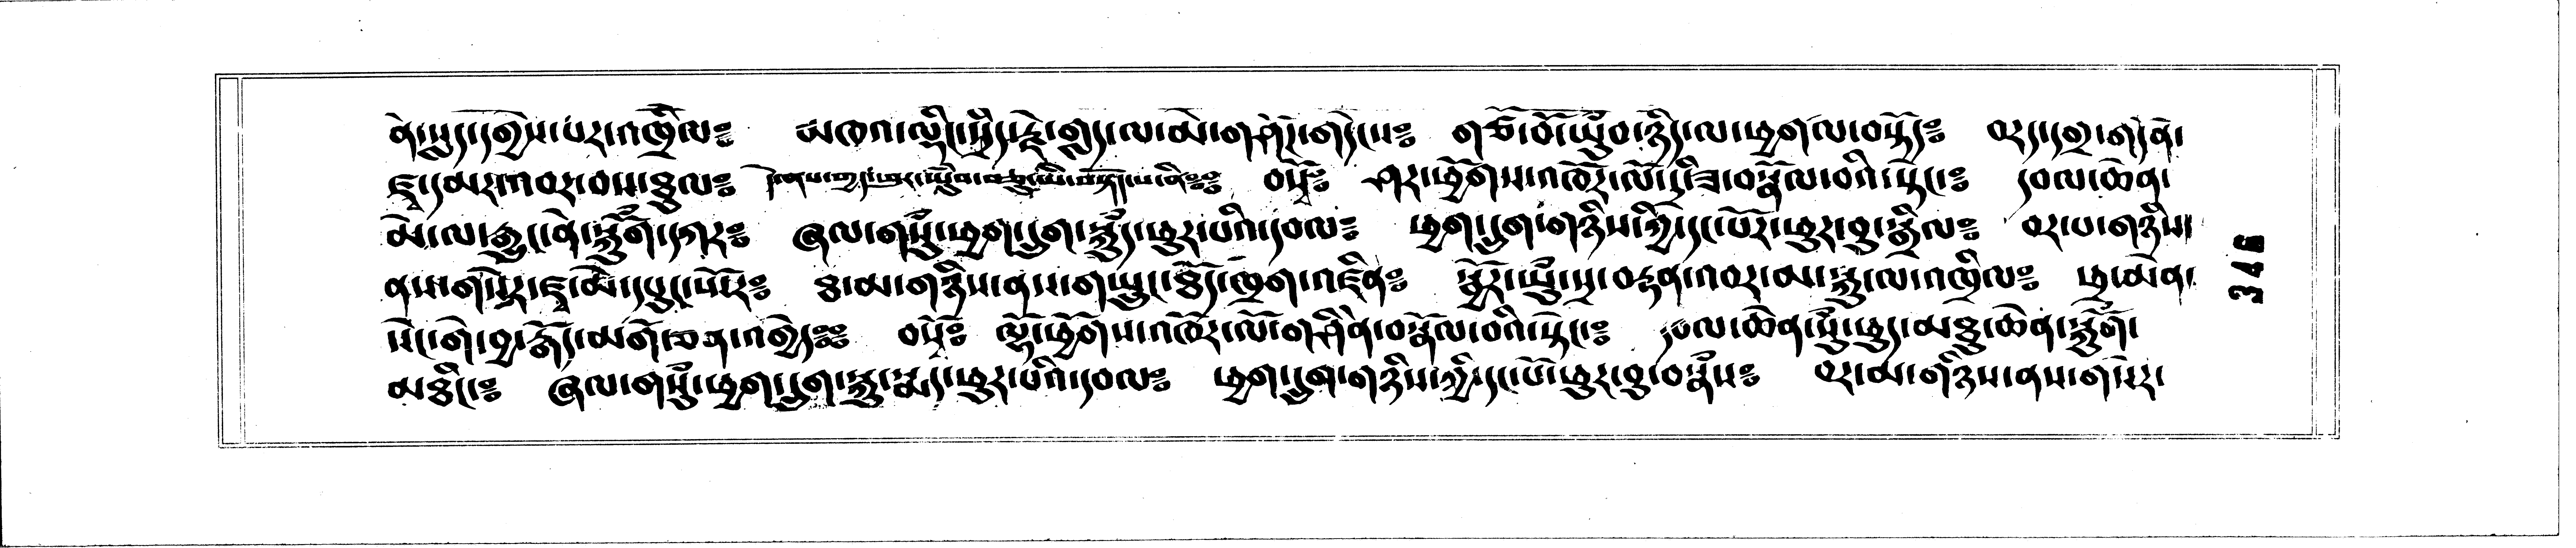ནེ་སླས་དགྱེས་པར་འཁྲིལ༔ མཁའ་ལྡིང་སྲིད་རྗེ་གླད་ལ་མེ་གཤོགས་གདོངས༔ གཙོ་བོ་ཡབ་ཡུམ་ཉིད་ལ་ཕྱག་འཚལ་བསྟོད༔ བར་ཆད་དགྲ་གདོན་
ཛྭ་དམར་འབར་བས་ཐུལ༔ དེ་ནས་གྱད་ཕུར་ཡབ་ཡུམ་བཅུ་ཡི་བསྟོད་པ་ནི༔༔ བསྭོ༔ ཤར་ཕྱོགས་འཁོར་ལོ་དྲི་ཟ་བསྣོལ་བའི་སྟེང་༔ དབལ་ཆེན་
མེ་ལ་རྒྱུང་ནེ་སྐུ་མདོག་དཀར༔ ཞལ་གསུམ་ཕྱག་དྲུག་སྐུ་མདོག་ཕུར་པའི་དབལ༔ ཕྱག་དྲུག་གཉིས་ཀྱི་དང་པོར་ཕུར་བུ་སྒྲིལ༔ བར་པ་གཉིས་
ནས་གསེར་ཛྭ་མེ་དཔུང་སྤོར༔ ཐ་མ་གཉིས་ནས་གཡུང་དྲུང་ཐོད་ཁྲག་འཛིན༔ སྦྱོར་ཡུམ་སྲ་བརྟན་འབར་མ་སྐུ་ལ་འཁྲིལ༔ ཕྲ་མེན་
སེང་གེ་བྱ་རྒོད་མགོ་ཅན་འགྱེད༔༔ བསྭོ༔ ལྷོ་ཕྱོགས་འཁོར་ལོ་གཤིན་རྗེ་བསྣོལ་བའི་སྟེང་༔ དབལ་ཆེན་སུམ་ཕུད་མཐུ་ཆེན་སྐུ་མདོག་
མཐིང་༔ ཞལ་གསུམ་ཕྱག་དྲུག་སྐུ་སྨད་ཕུར་པའི་དབལ༔ ཕྱག་དྲུག་གཉིས་ཀྱི་དང་པོ་ཕུར་བུ་བསྣམས༔ བར་མ་གཉིས་ནས་གསེར་